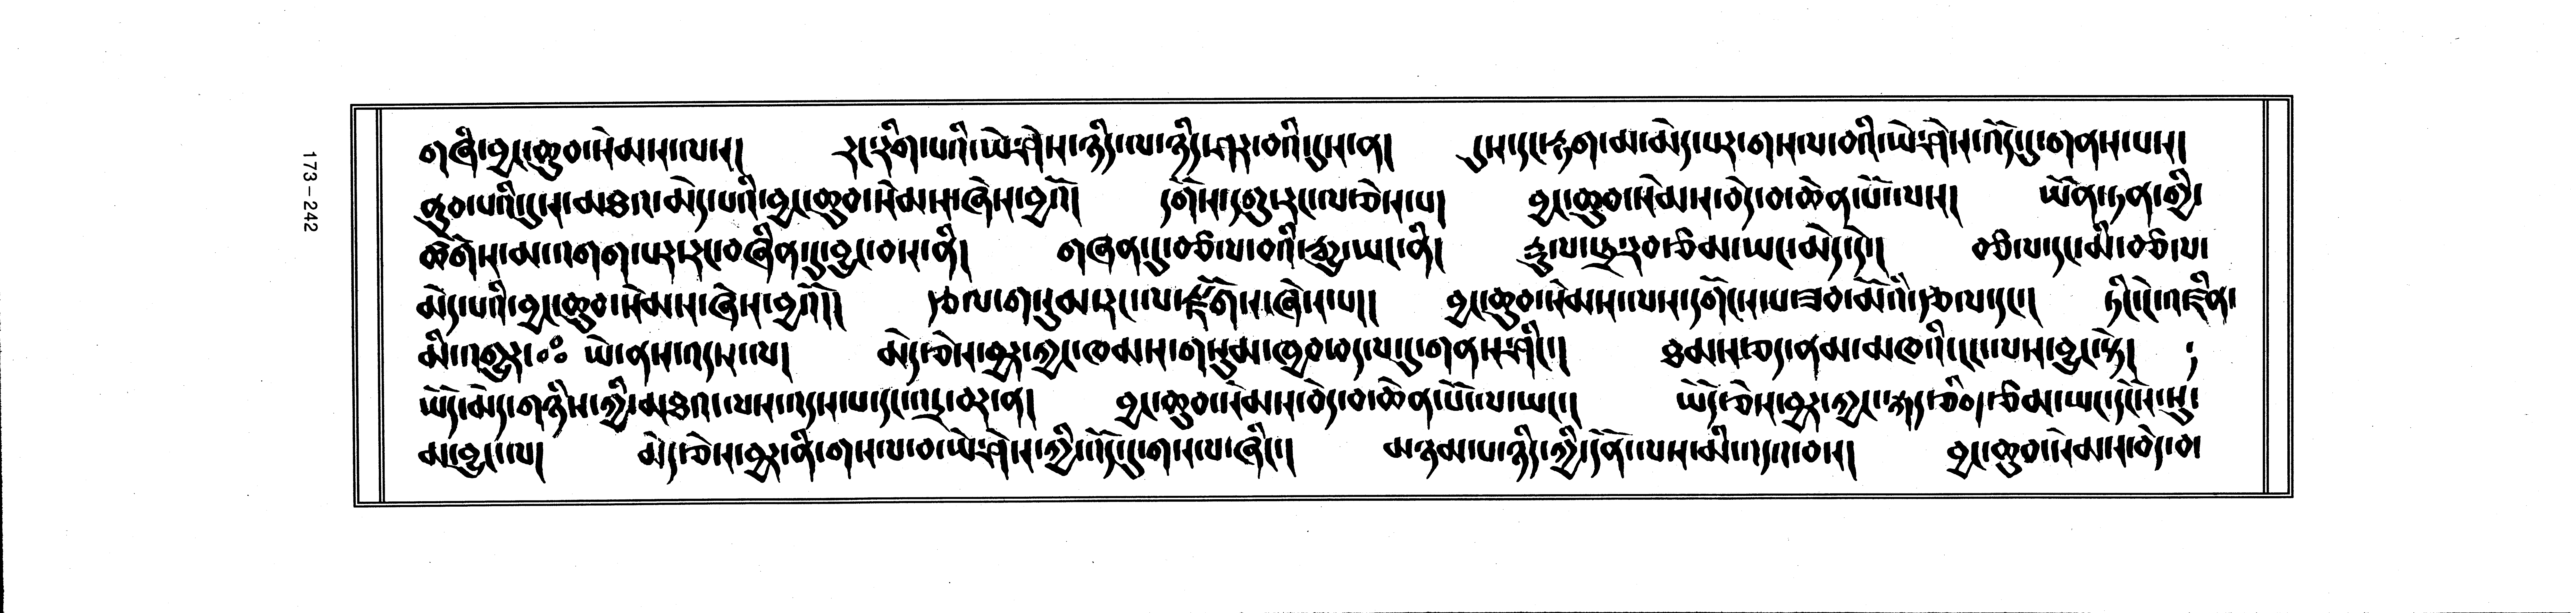གཞི་བྱང་ཆུབ་སེམས་ལས། རང་རིག་པའི་ཡེ་ཤེས་ཉིད་ལ་ཉིད་ཤར་བའི་དུས་ན། དུས་དང་རྟག་མ་མེད་པར་གསལ་བའི་ཡེ་ཤེས་འོད་དུ་གནས་པས། 
ནུབ་པའི་དུས་མཐའ་མེད་པའི་བྱང་ཆུབ་སེམས་ཞེས་བྱའོ། །དགོས་དགུ་རང་ལ་ཅེས་པ། བྱང་ཆུབ་སེམས་བདེ་བ་ཆེན་པོ་ལས། ཡོན་ཏན་གྱི་
ཚོགས་མ་འགག་པར་རང་བཞིན་དུ་བྱུང་བས་ནི། གཞན་དུ་བཙལ་བའི་རྒྱུ་ཡང་ནི། རྡུལ་ཕྲ་རབ་ཙམ་ཡང་མེད་དེ། བཙལ་དང་མི་བཙལ་
མེད་པའི་བྱང་ཆུབ་སེམས་ཞེས་བྱའོ། །རྩལ་གསུམ་རང་ལ་རྫོགས་ཞེས་པ། བྱང་ཆུབ་སེམས་ལས་དགོངས་པ་ཟབ་མོའི་རྩལ་དང་། ཏིང་ངེ་འཛིན་
མི་འགྱུར་བའི་རྩལ་དང་། ཡེ་ནས་འདས་པ་ལ། མེད་ཅེས་བྱར་ཀྱང་ཁམས་གསུམ་ཁྱབ་པ་དལ་དུ་གནས་ཤིང་། ཐབས་ཅད་ནམ་མཁའོ་ངང་ལས་བྱུང་སྟེ།